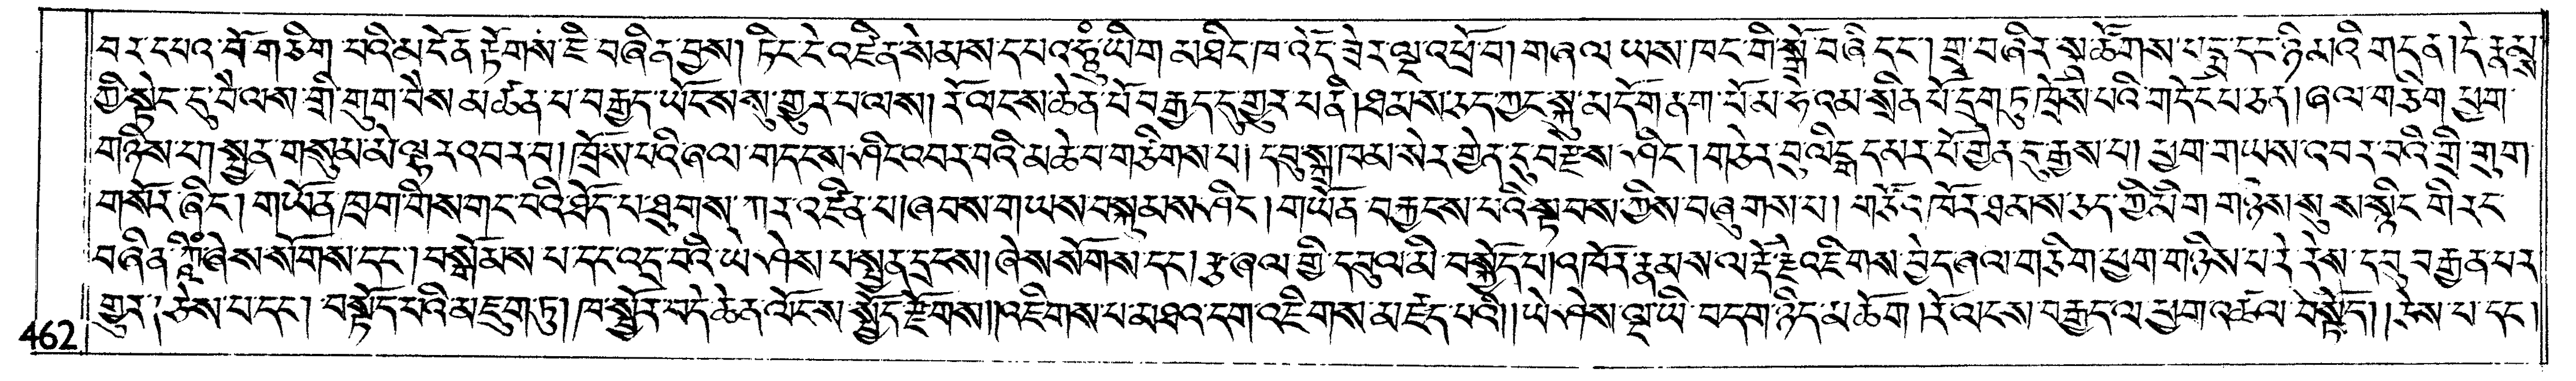བར་དཔའ་བོ་གཅིག་པའི་མངོན་རྟོགས་ཇི་བཞིན་བྱས། ཏིང་ངེ་འཛིན་སེམས་དཔའ་ཧཱུཾ་ཡིག་མཐིང་ཁ་འོད་ཟེར་ལྔ་འཕྲོ་བ། གཞལ་ཡས་ཁང་གི་སྒོ་བཞི་དང་། གྲྭ་བཞིར་སྣ་ཚོགས་པདམ་དང་ཉི་མའི་གདན། དེ་རྣམས་
ཀྱི་སྟེང་དུ་བཻ་ལས་གྲི་གུག་བཻས་མཚན་པ་བརྒྱད་ཡོངས་སུ་གྱུར་པ་ལས། རོ་ལངས་ཆེན་པོ་བརྒྱད་དུ་གྱུར་པ་ནི། ཐམས་ཅད་ཀྱང་སྐུ་མདོག་ནག་པོ་མ་ཧེ་འམ་སྲིན་པོ་དྲག་ཏུ་ཁྲོས་པའི་གདོང་པ་ཅན། ཞལ་གཅིག་ཕྱག་
གཉིས་པ། སྤྱན་གསུམ་མེ་ལྷར་འབར་བ། ཁྲོས་པའི་ཞལ་གདངས་ཤིང་འབར་བའི་མཆེ་བ་གཙིགས་པ། དབུ་སྐྲ་ཁམ་སེར་གྱེན་དུ་བརྫེས་ཤིང་། གཅེར་བུ་ལིངྒ་དམར་པོ་གྱེན་དུ་རྒྱས་པ། ཕྱག་གཡས་འབར་བའི་གྲི་གུག་
གསོར་ཞིང་། གཡོན་ཁྲག་གིས་གང་བའི་ཐོད་པ་ཐུགས་ཀར་འཛིན་པ། ཞབས་གཡས་བསྐུམས་ཤིང་། གཡོན་བརྐྱངས་པའི་སྟབས་ཀྱིས་བཞུགས་པ། གཙོ་འཁོར་ཐམས་ཅད་ཀྱི་མིག་གཉིས་སུ་ས་སྙིང་གི་རང་
བཞིན་ཀྵིཾ་ཞེས་སོགས་དང་། བསྒོམས་པ་དང་འདྲ་བའི་ཡེ་ཤེས་པ་སྤྱན་དྲངས། ཞེས་སོགས་དང་། རྩ་ཞལ་གྱི་དབུལ་མི་བསྐྱོད་པ། འཁོར་རྣམས་ལ་རྡོ་རྗེ་འཇིགས་བྱེད་ཞལ་གཅིག་ཕྱག་གཉིས་པ་རེ་རེས་དབུ་བརྒྱན་པར་
གྱུར། ཅེས་པ་དང་། བསྟོད་པའི་མཇུག་ཏུ། ཁ་སྦྱོར་བདེ་ཆེན་ལོངས་སྤྱོད་རྫོགས། །འཇིགས་པ་མཐའ་དག་འཇིགས་མཛད་པའི། །ཡེ་ཤེས་ལྔ་ཡི་བདག་ཉིད་མཆོག །རོ་ལངས་བརྒྱད་ལ་ཕྱག་འཚལ་བསྟོད། །ཅེས་པ་དང་།